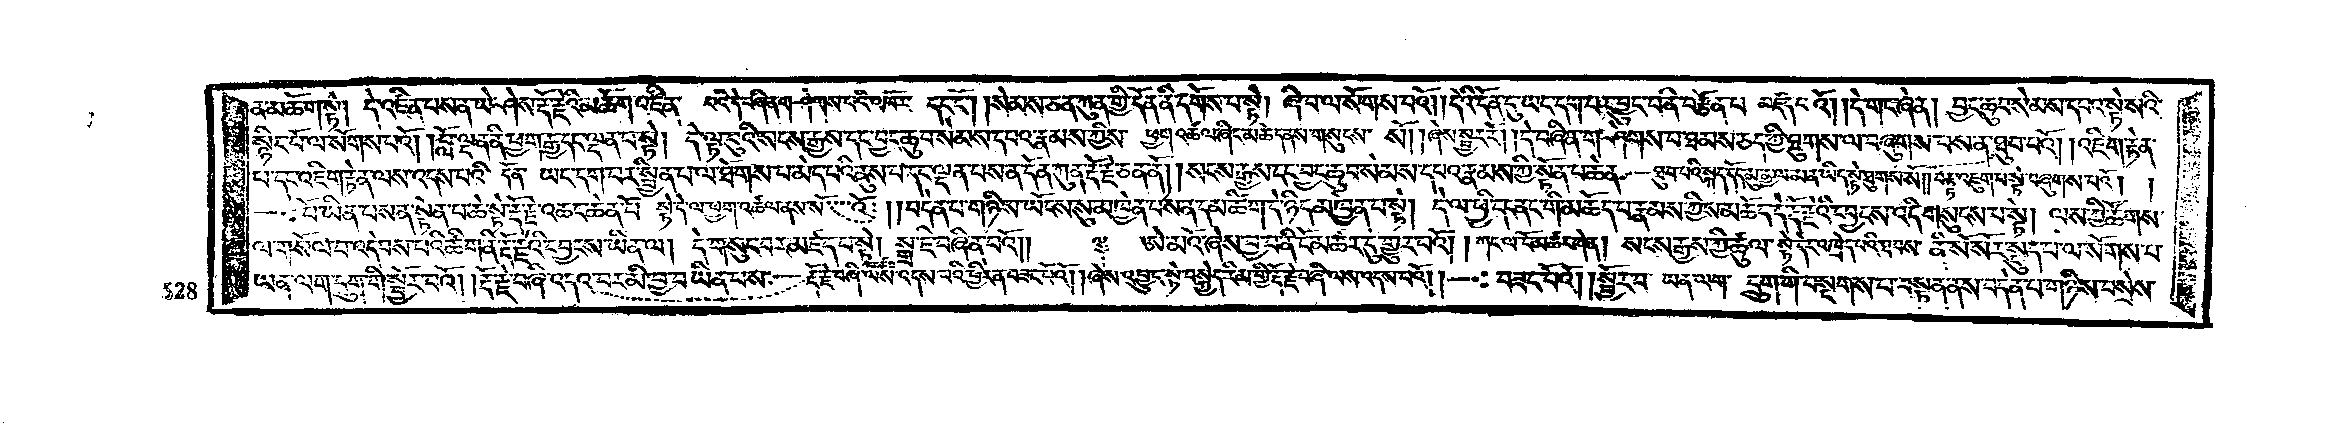ན་མཆོག་སྟེ། དེ་འཛིན་པས་ན་ཡེ་ཤེས་རྡོ་རྗེའི་མཆོག་འཛིན་པའི་དེ་བཞིན་གཤེགས་པའི་འཁོར་དང་ངོ། །སེམས་ཅན་ཀུན་གྱི་དོན་ནི་དགོས་པ་སྟེ། ཞི་བ་ལ་སོགས་པའོ། །དེའི་དོན་དུ་ཡང་དག་པར་བྱུང་བ་ནི་བརྩོན་པ་མཛད་པའོ། །དེ་གང་ཞེ་ན། བྱང་ཆུབ་སེམས་དཔའ་སྟེ་སའི་
སྙིང་པོ་ལ་སོགས་པའོ། །བློ་ལྡན་ནི་ཕྱག་རྒྱ་དང་ལྡན་པ་སྟེ། དེ་ལྟ་བུའི་སངས་རྒྱས་དང་བྱང་ཆུབ་སེམས་དཔའ་རྣམས་ཀྱིས་ཕྱག་འཚལ་ཞིང་མཆོད་ནས་གསུངས་སོ། །ཞེས་སྦྱར་རོ། །དེ་བཞིན་གཤེགས་པ་ཐམས་ཅད་ཀྱི་ཐུགས་ལ་བཞུགས་པས་ན་ཐུབ་པའོ། །འཇིག་རྟེན་
པ་དང་འཇིག་རྟེན་ལས་འདས་པའི་དོན་ཡང་དག་པར་སྦྱིན་པ་ལ་ཐོགས་པ་མེད་པའི་ནུས་པ་དང་ལྡན་པས་ན་དོན་ཀུན་རྡོ་རྗེ་ཅན་ནོ། །སངས་རྒྱས་དང་བྱང་ཆུབ་སེམས་དཔའ་རྣམས་ཀྱི་སྟོན་པ་ཆེནཿ་ཐུབ་པའི་སྐད་དོད་མུ་ནྱ་ལ་མན་ཡིད་སྟེ་ཐུགས་སོ། །བརྟྟ་འཇུག་པ་སྟེ་བཞུགས་པའོ། །
.Hཔོ་ཡིན་པས་ན་སྟེན་པ་ཆེ་སྟེ་རྡོ་རྗེ་འཆང་ཆེན་པོ་སྟེ་དེ་ལ་ཕྱག་འཚལ་ནས་སོའི། །བདེན་པ་གཉིས་ཡོངས་སུ་མཁྱེན་པས་ན་དམ་ཚིག་དེ་ཉིད་མཁྱེན་པ་སྟེ། དེ་ལ་ཕྱི་དང་ནང་གི་མཆོད་པ་རྣམས་ཀྱིས་མཆོད་དེ་རྡོ་རྗེའི་དབྱངས་འདི་གསུངས་པ་སྟེ། ལས་ཀྱི་ཚོགས་
ལ་གསོལ་བ་འདེབས་པའི་ཚིགས་ནི་རྡོ་རྗེའི་དབྱངས་ཡིན་ལ། དེ་གསུང་བར་མཛད་པ་སྟེ། སྒྲ་ཇི་བཞིན་པའོ།། ༈ ཨེ་མའོ་ཞེས་བྱ་བ་ནི་ངོ་མཚར་དུ་གྱུར་བའོ། །གང་ལ་ངོ་མཚར་ཞེན། སངས་རྒྱས་ཀྱི་ཚུལ་སྟེ་དེར་འཁྲིད་པའི་ཐབས་ནི་སོ་སོར་སྡུད་པ་ལ་སོགས་པ་
ཡན་ལག་དྲུག་གི་སྦྱོར་བའོ། །རྡོ་རྗེ་བཞི་འདའ་བར་མ་བྱ་བ་ཡིན་པསཿ་རྡོ་རྗེ་བཞི་པ་ཚབ་ལས་འདས་པའི་ཕྱིར་ན་བཟང་པོའོ། །ཞེས་འབྱུང་སྟེ་བསྐྱེད་རིམ་གྱི་རྡོ་རྗེ་བཞི་ལས་འདས་པའོ།།  .Hབཟང་པོའོ། །སྦྱོར་བ་ཡན་ལག་དྲུག་གི་བསྔགས་པ་བསྟན་ནས་བདེན་པ་གཉིས་བསྲེས་